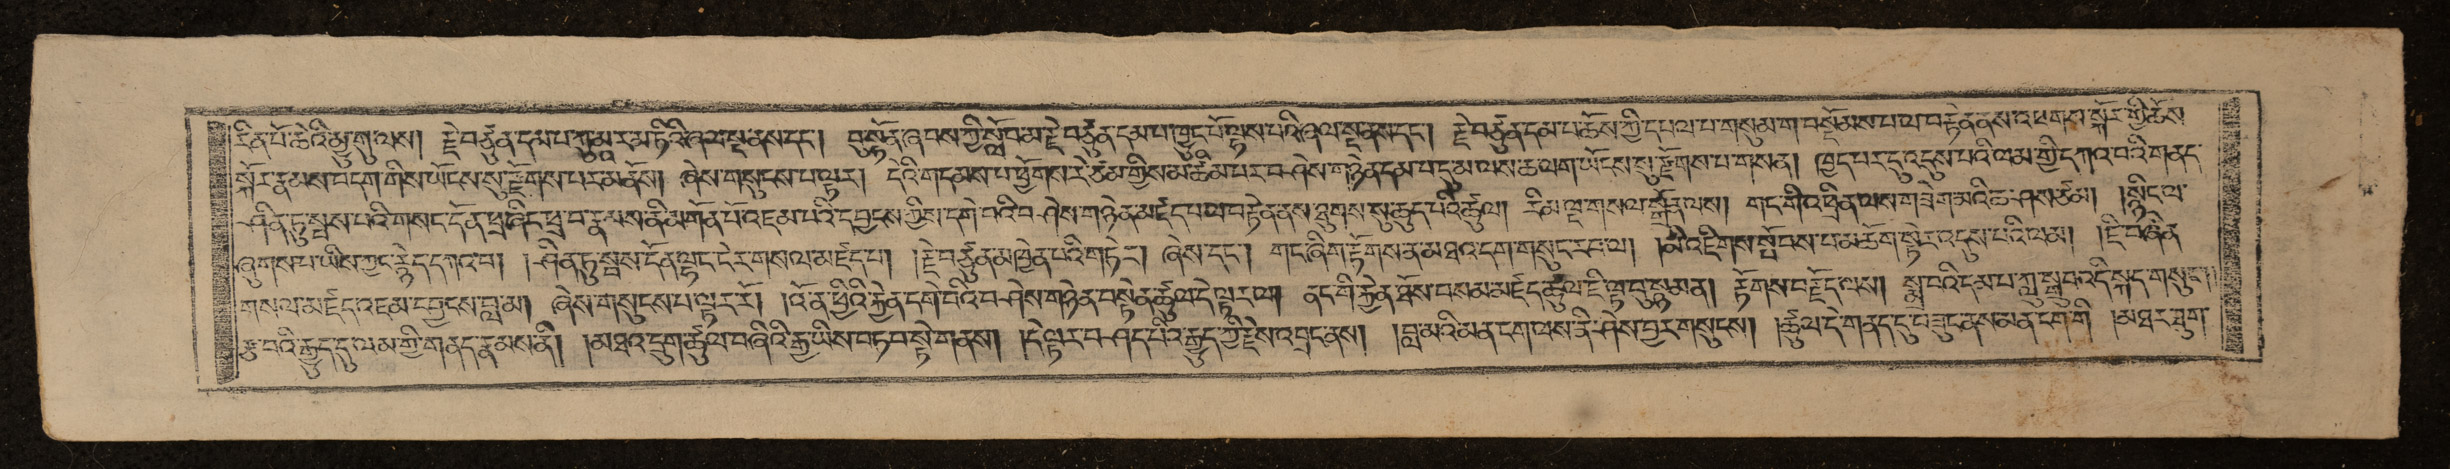རིན་པོ་ཆེའི་མྱུ་གུ་པས། རྗེ་བཙུན་དམ་པ་ཀུམཱརཏིའི་ཞལ་སྔ་ནས་དང་། བུ་སྟོན་ཞབས་ཀྱི་སློབ་མ་རྗེ་བཙུན་དམ་པ་ཁྱུང་པོ་ལྷས་པའི་ཞལ་སྔ་ནས་དང་། རྗེ་བཙུན་དམ་པ་ཆོས་ཀྱི་དཔལ་བ་གསུམ་ག་བསྡོམས་པ་ལ་བརྟེན་ནས་འཕགས་སྐོར་གྱི་ཆོས་
སྐོར་རྣམས་བདག་གིས་ཡོངས་སུ་རྫོགས་པར་མནོས། ཞེས་གསུངས་པ་ལྟར། དེའི་གདམས་པ་ཕྱོགས་རེ་ཙམ་གྱིས་མཆིམ་བར་བཤེས་གཉེན་དམ་པ་དུ་མ་ལས་ཆ་ལག་ཡོངས་སུ་རྫོགས་པ་གསན། ཁྱད་པར་དུ་འདུས་པའི་ལམ་གྱི་དཀའ་བའི་གནད་
ཤིན་ཏུ་སྦས་པའི་གསང་དོན་ཕྲ་ཞིང་ཕྲ་བ་རྣམས་ནི་མགོན་པོ་འཇམ་པའི་དབྱངས་ཀྱིས་དགེ་བའི་བཤེས་གཉེན་མཛད་པ་ལ་བརྟེན་ནས་ཐུགས་སུ་ཆུད་པའི་ཚུལ། རིམ་ལྔ་གསལ་སྒྲོན་ལས། གང་གི་འཕྲིན་ལས་གཟེག་མའི་ཆ་ཤས་ཙམ། །སྙིང་ལ་
ཞུགས་པ་ཡིས་ཀྱང་རྙེད་དཀའ་བ། །ཤིན་ཏུ་སྦས་དོན་ལྷང་དེར་གསལ་མཛད་པ། །རྗེ་བཙུན་མཁྱེན་པའི་གཏེར། ཞེས་དང་། གང་ཞིག་རྟོགས་ན་མཐའ་དག་གསུང་རབ་ལ། །མི་འཇིགས་སྤོབས་པ་མཆོག་སྟེར་འདུས་པའི་ལམ། །ཇི་བཞིན་
གསལ་མཛད་འཇམ་དབྱངས་བླ་མ། ཞེས་གསུངས་པ་ལྟར་རོ། །འོ་ན་ཕྱིའི་རྐྱེན་དགེ་བའི་བཤེས་གཉེན་བསྟེན་ཚུལ་དེ་ལྟར་ལ། ནང་གི་རྐྱེན་ཐོས་བསམ་མཛད་ཚུལ་ཇི་ལྟ་བུ་སྙམ་ན། རྟོགས་བརྗོད་ལས། སྨྲ་བའི་དམ་པ་ཀླུ་སྒྲུབ་འདི་སྐད་གསུང་། །
རྩ་བའི་རྒྱུད་དུ་ལམ་གྱི་གནད་རྣམས་ནི། །མཐའ་དྲུག་ཚུལ་བཞིའི་རྒྱ་ཡིས་བཏབ་སྟེ་གནས། །དེ་ལྟར་བཤད་པའི་རྒྱུད་ཀྱི་རྗེས་འབྲང་ནས། །བླ་མའི་མན་ངག་ལས་ནི་ཤེས་བྱར་གསུངས། །ཚུལ་དེ་གནད་དུ་བཟུང་ནས་མན་ངག་གི །མཐར་ཐུག་